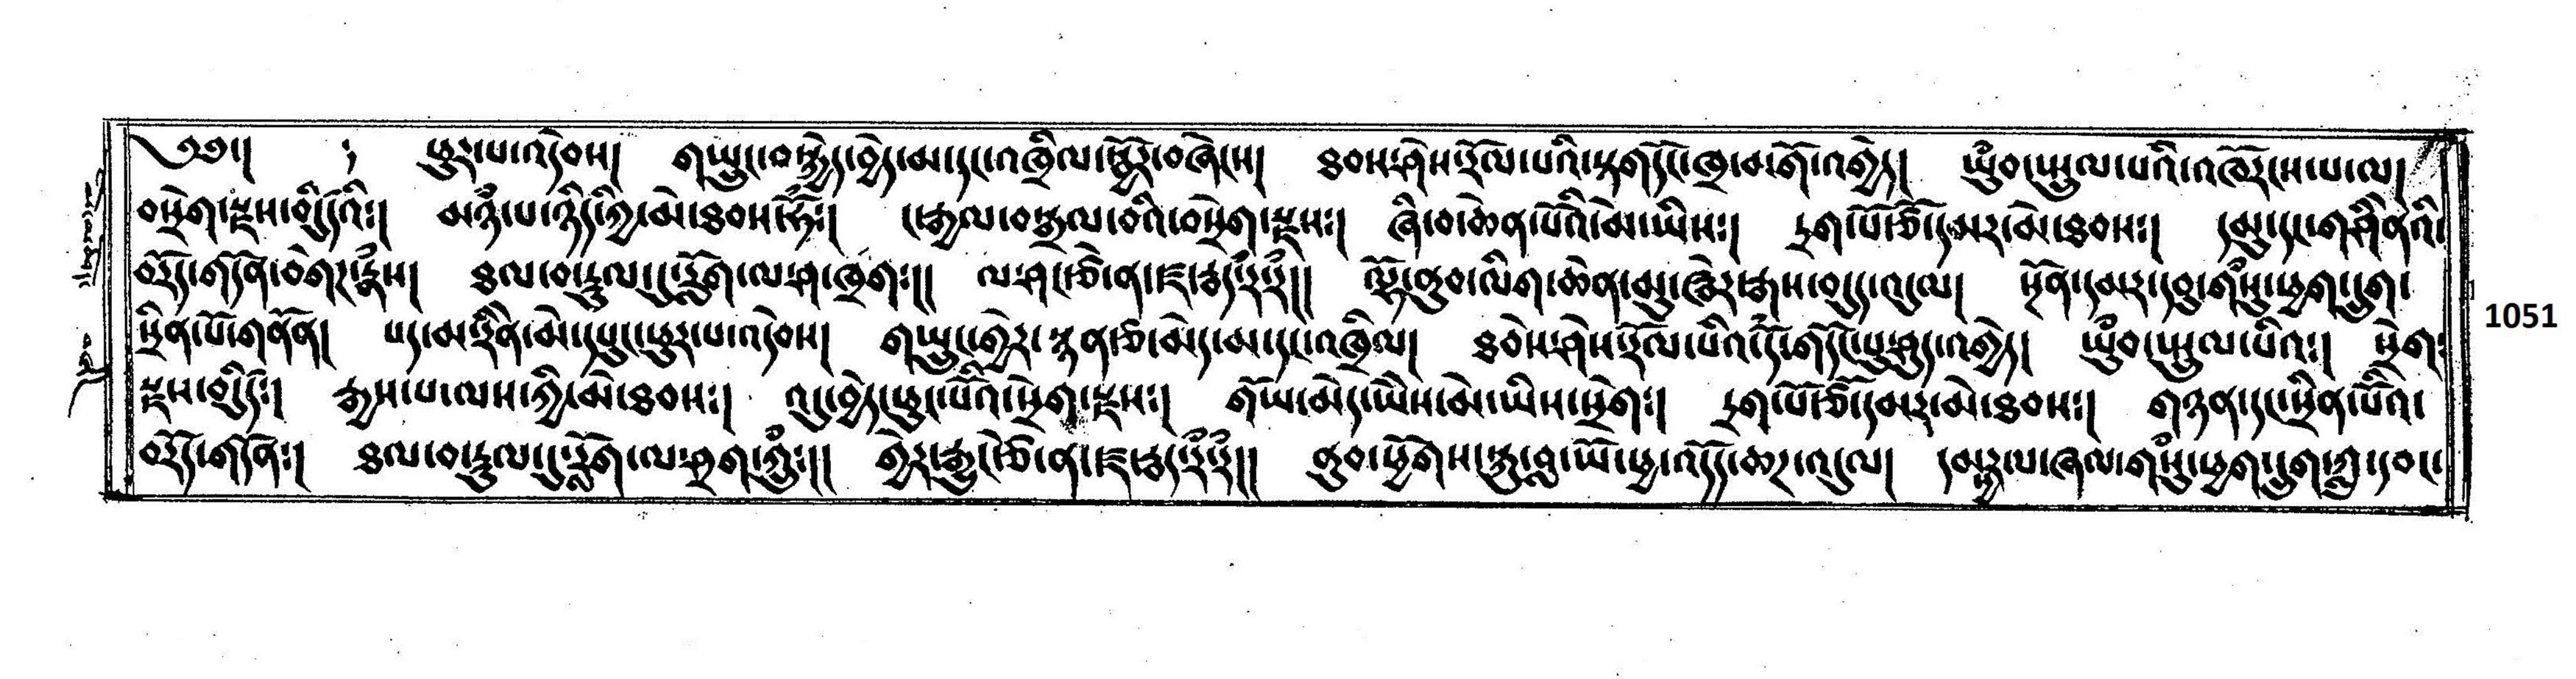ཕུར་པ་འདེབས། གཡུང་དྲུང་བསྐྱེད་བྱེད་མ་དང་འཁྲིལ་སྦྱོར་བཞེངས། ཐབས་ཤེས་རོལ་པའི་སྟག་གདོང་ཁྲ་མགོ་འགྱེད། ཡབ་ཡུམ་སྤྲུལ་པའི་འཁོར་དང་བཅས་པ་ལ། 
བསྲེག་རྫས་བདུད་རྩིའི༴། མཉམ་པ་ཉིད་ཀྱི་མེ་ཐབས་ཧོམ༴། ང་རྒྱལ་བསྒྲལ་བའི་བསྲེག་རྫས༴། ཞི་བ་ཆེན་པོའི་མེ་ཡིས༴། དྲག་པོ་ཙོ་དམར་མེ་ཐབས༴། དམུ་དང་གཤིན་རྗེའི་
བར་ཆོད་གདོན་བགེགས་རྣམས། ཐལ་བ་རྡུལ་དུ་རློག་ལ་ཤ་ཁྲག༴།། ལ་ཤང་ཙེ་ན་ཛ་རྦད་རཾ་རཾ།། ལྷོ་ནུབ་ལིག་ཆེན་མུ་ཝེར་རྒས་བདུད་འདུལ། སྔོན་དམར་དབུ་གསུམ་ཕྱག་དྲུག་
སྲིན་པོ་གནོན། པད་མ་རིན་ཆེན་མེ་དཔུང་ཕུར་པ་འདེབས། གཡུང་དྲུང་གྱེར་སྙན་ཙ་མེད་མ་དང་འཁྲིལ། ཐབས་ཤེས་རོལ་པའི་དོམ་གདོང་པུ་ཤུད་འགྱེད། ཡབ་ཡུམ་སྤྲུལ་པའི༴། སྲེག་
རྫས་བདུད་རྩི༴། རྒྱས་པ་ལས་ཀྱི་མེ་ཐབས༴། འདུ་བྱེད་ཕུང་པོའི་སྲེག་རྫས༴། གཡོ་མེད་ཡེ་ཤེས་མེ་ཡིས་སྲེག༴། དྲག་པོ་ཙོ་དམར་མེ་ཐབས༴། གཉན་དང་སྲིན་པོའི་
བར་ཆོད་གདོན༴། ཐལ་བ་རྡུལ་དུ་རློག་ལ་ཤ་ཁྲག་ཀྲུམ༴།། གྱེར་རྒྱུང་ཙེ་ན་ཛ་རྦད་རཾ་རཾ།། ནུབ་ཕྱོགས་སྐུ་བླ་ཡོ་ཕྱ་འདོད་ཆགས་འདུལ། དམར་གསལ་ཞལ་གསུམ་ཕྱག་དྲུག་ཀླུ་དབང་